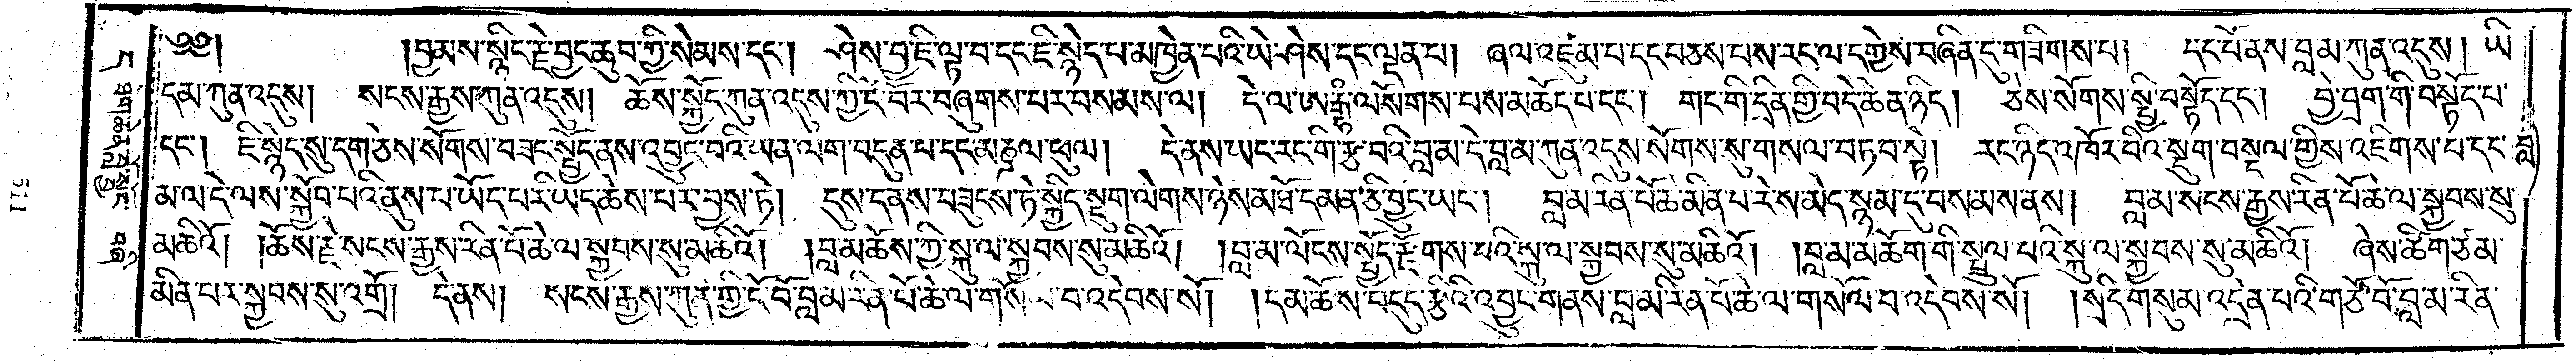༄༅། །བྱམས་སྙིང་རྗེ་བྱང་ཆུབ་ཀྱི་སེམས་དང་། ཤེས་བྱ་ཇི་ལྟ་བ་དང་ཇི་སྙེད་པ་མཁྱེན་པའི་ཡེ་ཤེས་དང་ལྡན་པ། ཞལ་འཛུམ་པ་དང་བཅས་པས་རང་ལ་དགྱེས་བཞིན་དུ་གཟིགས་པ། དང་པོ་ནས་བླ་མ་ཀུན་འདུས། ཡི་
དམ་ཀུན་འདུས། སངས་རྒྱས་ཀུན་འདུས། ཆོས་སྐྱོང་ཀུན་འདུས་ཀྱི་ངོ་བོར་བཞུགས་པར་བསམས་ལ། དེ་ལ་ཨརྒྷཾ་ལ་སོགས་པས་མཆོད་པ་དང་། གང་གི་དྲིན་གྱི་བདེ་ཆེན་ཉིད། ཅེས་སོགས་སྤྱི་བསྟོད་དང་། བྱེ་བྲག་གི་བསྟོད་པ་
དང་། ཇི་སྙེད་སུ་དག་ཅེས་སོགས་བཟང་སྤྱོད་ནས་འབྱུང་བའི་ཡན་ལག་བདུན་པ་དང་མཎྜལ་ཕུལ། དེ་ནས་ཡང་རང་གི་རྩ་བའི་བླ་མ་དེ་བླ་མ་ཀུན་འདུས་སོགས་སུ་གསལ་བཏབ་སྟེ། རང་ཉིད་འཁོར་བའི་སྡུག་བསྔལ་གྱིས་འཇིགས་པ་དང་བླ་
མ་ལ་དེ་ལས་སྐྱོབ་པའི་ནུས་པ་ཡོད་པར་ཡིད་ཆེས་པར་བྱས་ཏེ། དུས་ད་ནས་བཟུངས་ཏེ་སྐྱིད་སྡུག་ལེགས་ཉེས་མཐོ་དམན་ཅི་བྱུང་ཡང་། བླ་མ་རིན་པོ་ཆེ་མིན་པ་རེ་ས་མེད་སྙམ་དུ་བསམས་ནས། བླ་མ་སངས་རྒྱས་རིན་པོ་ཆེ་ལ་སྐྱབས་སུ་
མཆིའོ། །ཆོས་རྗེ་སངས་རྒྱས་རིན་པོ་ཆེ་ལ་སྐྱབས་སུ་མཆིའོ། །བླ་མ་ཆོས་ཀྱི་སྐུ་ལ་སྐྱབས་སུ་མཆིའོ། །བླ་མ་ལོངས་སྤྱོད་རྫོགས་པའི་སྐུ་ལ་སྐྱབས་སུ་མཆིའོ། །བླ་མ་མཆོག་གི་སྤྲུལ་པའི་སྐུ་ལ་སྐྱབས་སུ་མཆིའོ། ཞེས་ཚིག་ཙམ་
མིན་པར་སྐྱབས་སུ་འགྲོ། དེ་ནས། སངས་རྒྱས་ཀུན་གྱི་ངོ་བོ་བླ་མ་རིན་པོ་ཆེ་ལ་གསོལ་བ་འདེབས་སོ། །དམ་ཆོས་བདུད་རྩིའི་འབྱུང་གནས་བླ་མ་རིན་པོ་ཆེ་ལ་གསོལ་བ་འདེབས་སོ། །སྲིད་གསུམ་འདྲེན་པའི་གཙོ་བོ་བླ་མ་རིན་